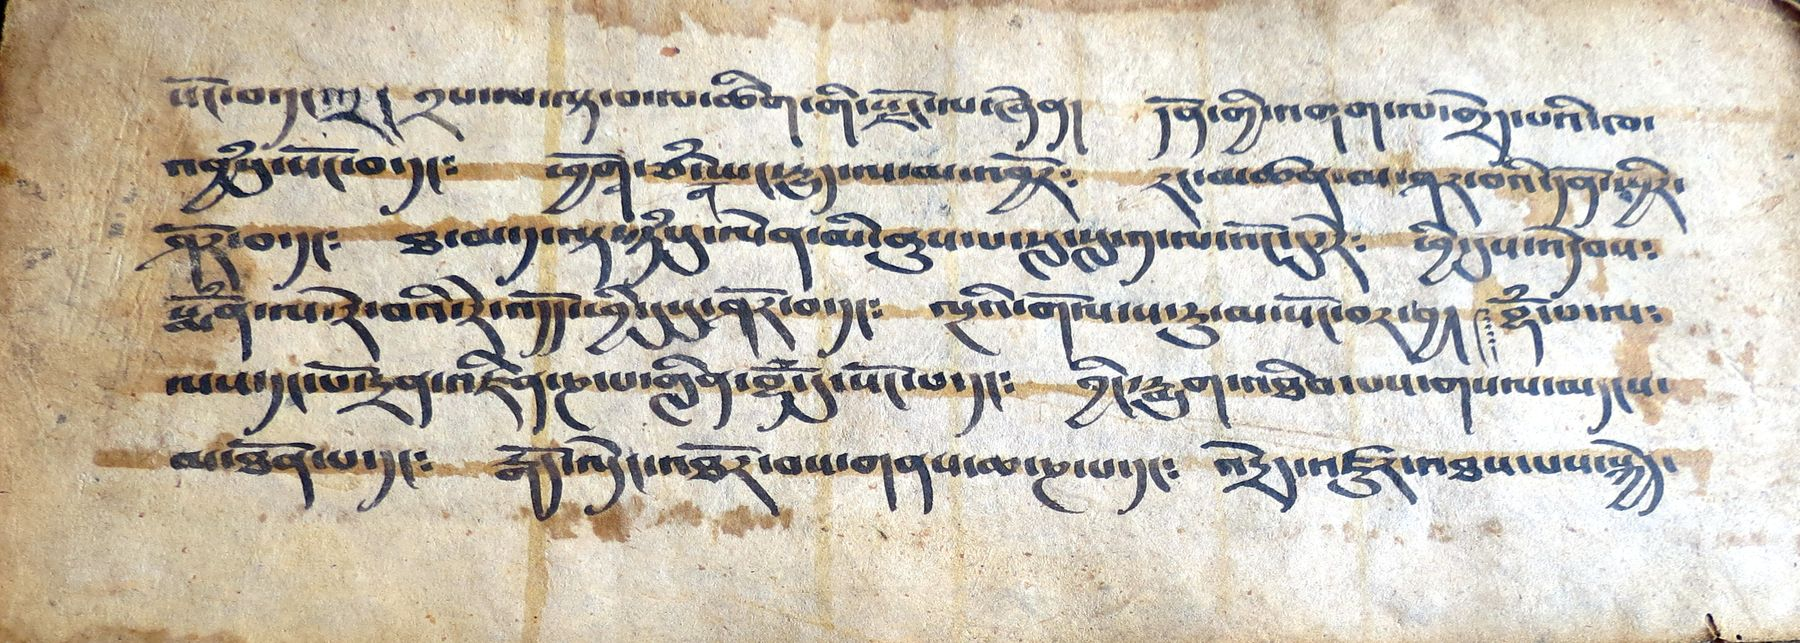སོང་བ། བར་པ་ལ་ལྟ་བ་ལ་ཚིག་གི་རྫོང་ལ་ཞེན། དོན་གྱི་འགགས་ལ་འདྲེད་པའི་ཁ་
འབྱམས་སུ་སོང་བ་དང་། ཕྱོགས་ཙམ་གོ་ཡང་རྒྱུད་ལ་མ་འབྱོར། རང་མཚན་མ་ཤར་བའི་དོན་སྤྱིར་
ཤོར་བ་དང་། ཐ་མ་ད་ལྟ་ཉམས་སུ་མི་ལེན་པར་སླ་སླ་ཅིག་ཏུ་སོང་སྟེ། ཕྱིས་དུས་འདེབས་
སྨོན་ལམ་ལ་རེ་བའི་རེ་འདོད་ཕྱིས་དུས་སུ་ཤོར་བ། ལྔའི་གོལ་ས་རུ་མ་སོང་བར་བྱ། ། སྒོམ་པ་ལ། 
ལས་དང་པོ་དྲན་འཛིན་མེད་པ་གླེན་སྒོམ་དུ་སོང་བ་དང་། བྱིང་རྨུག་འཐིབས་པ་གསལ་མདངས་
མ་ཐོན་པ་དང་། རྒོད་ལྡིང་འཐོར་བ་གནས་ཆ་མེད་པ་དང་། འདྲེད་འཛུར་འཐས་པས་སྐྱེད་